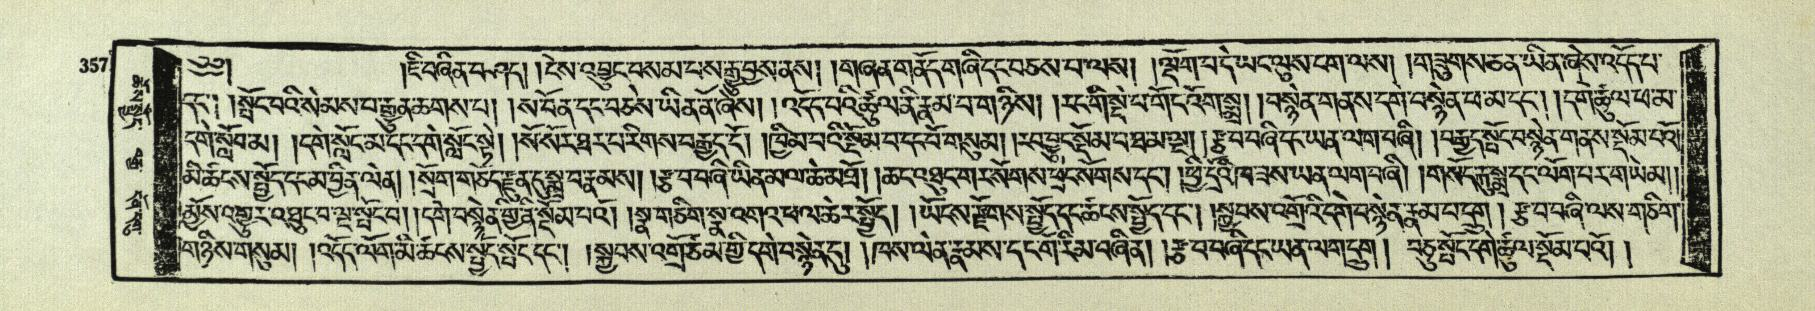༄༅། །ཇི་བཞིན་བཤད། །ངེས་འབྱུང་བསམ་པས་རྒྱུ་བྱས་ནས། །གཞན་གནོད་གཞི་དང་བཅས་པ་ལས། །ལྡོག་པ་དེ་ཡང་ལུས་ངག་ལས། །གཟུགས་ཅན་ཡིན་ཞེས་འདོད་པ་
དང་། །སྤོང་བའི་སེམས་པ་རྒྱུན་ཆགས་པ། །ས་བོན་དང་བཅེས་ཡིན་ནོ་ཞེས། །འདོད་པའི་ཚུལ་ནི་རྣམ་པ་གཉིས། །རང་གི་སྡེ་པ་གོང་འོག་སྨྲ། །བསྙེན་གནས་དགེ་བསྙེན་ཕ་མ་དང་། །དགེ་ཚུལ་ཕ་མ་
དགེ་སློབ་མ། །དགེ་སློང་མ་དང་དགེ་སློང་སྟེ། །སོ་སོར་ཐར་པ་རིགས་བརྒྱད་དོ། །ཁྱིམ་པའི་སྡོམ་པ་དང་པོ་གསུམ། །རབ་བྱུང་སྡོམ་པ་ཐ་མ་ལྔ། །རྩ་བ་བཞི་དང་ཡན་ལག་བཞི། །བརྒྱད་སྤོང་བསྙེན་གནས་སྡོམ་པའོ།
མི་ཚངས་སྤྱོད་དང་མ་བྱིན་ལེན། །སྲོག་གཅོད་རྫུན་དུ་སྨྲ་བ་རྣམས། །རྩ་བ་བཞི་ཡིན་མལ་ཆེ་མཐོ། །ཆང་འཐུང་གར་སོགས་ཕྲེང་སོགས་དང་། །ཕྱི་དྲོའི་ཁ་ཟས་ཡན་ལག་བཞི། །གསོད་རྐུ་སྨྲ་དང་ལོག་པར་གཡེམ།།
མྱོས་འགྱུར་འཐུང་བ་ལྔ་སྤོང་བ། །དགེ་བསྙེན་གྱི་ནི་སྔོམ་པའོ། །སྣ་གཅིག་སྣ་འགའ་ཕལ་ཆེར་སྤྱོད། །ཡོངས་རྫོགས་སྤྱོད་དང་ཚངས་སྤྱོད་དང་། །སྐྱབས་འགྲོའི་དགེ་བསྙེན་རྣམ་པ་དྲུག །རྩ་བ་བཞི་ལས་གཅིག་
གཉིས་གསུམ། །འདོད་ལོག་མི་ཚངས་སྤྱོད་སྤོང་དང་། །སྐྱབས་འགྲོ་ཙམ་གྱི་དགེ་བསྙེན་དུ། །ཁས་ལེན་རྣམས་དང་གོ་རིམ་བཞིན། །རྩ་བ་བཞི་དང་ཡན་ལག་དྲུག། བཅུ་སྤོང་དགེ་ཚུལ་སྡོམ་པའོ། །